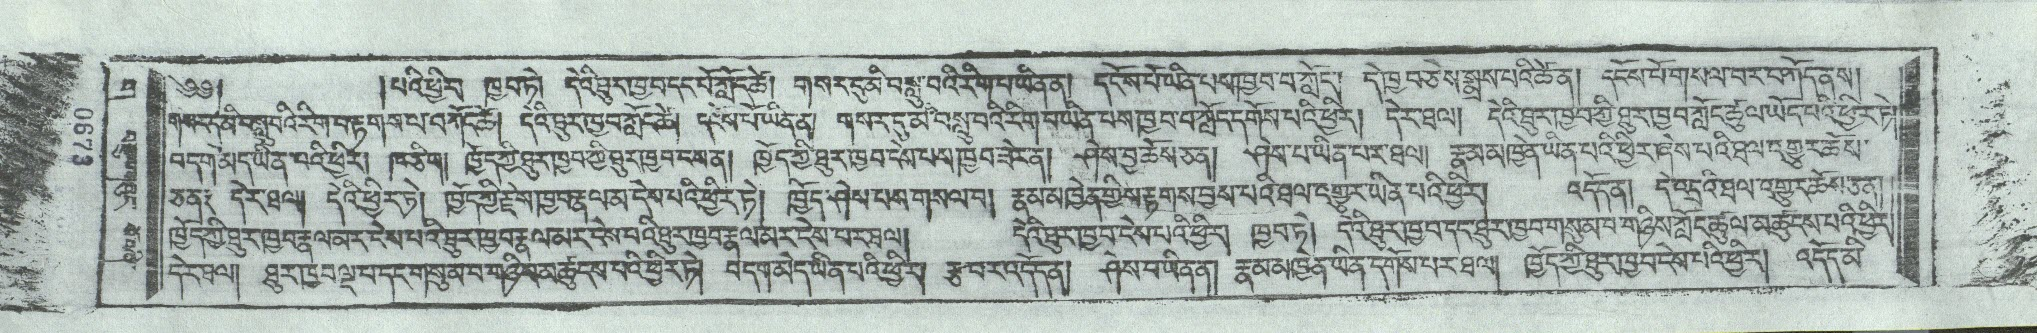༄༅། །པའི་ཕྱིར། ཁྱབ་ཏེ། དེའི་ཐུང་ཁྱབ་དང་པོ་ཀློང་ཚེ། གསར་དུ་མི་བསླུ་བའི་རིག་པ་ཡིན་ན། དངོས་པོ་ཡིན་པས་ཁྱབ་པ་ཀློང་། དེ་ཁྱབ་ཅེས་སྨྲས་པའི་ཚེ་ན། དངོས་པོ་གསལ་བར་བཀོད་ནས།
གསར་དུ་མི་བསླུ་བའི་རིག་བརྟགས་ལ་བཀོད་ཚེ། དེའི་ཐུར་ཁྱབ་ཀློང་ཚེ། དངོས་པོ་ཡིན་ན། གསར་དུ་མི་བསླུ་བའི་རིག་པ་ཡིན་པས་ཁྱབ་པ་ཀློང་དགོས་པའི་ཕྱིར། དེར་ཐལ། དེའི་ཐུར་ཁྱབ་ཀྱི་ཐུར་ཁྱབ་ཀློང་ཚུལ་ཡོད་པའི་ཕྱིར་ཏེ།
བདག་མེད་ཡིན་པའི་ཕྱིར། ཁ་ཅིག། ཁྱོད་ཀྱི་ཐུར་ཁྱབ་ཀྱི་ཐུར་ཁྱབ་ངས་ན། ཁྱོད་ཀྱི་ཐུར་ཁྱབ་ངེས་པས་ཁྱབ་ཟེར་ན། ཤེས་བྱ་ཆོས་ཅན། ཤེས་པ་ཡིན་པར་ཐལ། རྣམ་མཁྱེན་ཡིན་པའི་ཕྱིར་ཞེས་པའི་ཐལ་འགྱུར་ཆོས་
ཅན༑ དེར་ཐལ། དེའི་ཕྱིར་ཏེ། ཁྱོད་ཀྱི་རྗེས་ཁྱབ་རྣལ་མ་དེས་པའི་ཕྱིར་ཏེ། ཁྱོད་ཤེས་པས་གསལ་བ། རྣམ་མཁྱེན་གྱིས་རྟགས་བྱས་པའི་ཐལ་འགྱུར་ཡིན་པའི་ཕྱིར། འདོད་ན། དེ་འདྲའི་ཐལ་འགྱུར་ཆོས་ཅན།།
ཁྱོད་ཀྱི་ཐུར་ཁྱབ་རྣལ་མར་ངེས་པའི་ཐུར་ཁྱབ་རྣལ་མར་ངེས་པའི་ཐུར་ཁྱབ་རྣལ་མར་ངེས་པར་ཐལ། དེའི་ཐུར་ཁྱབ་ངེས་པའི་ཕྱིར། ཁྱབ་ཏེ། དེའི་ཐུར་ཁྱབ་དང་ཐུར་ཁྱབ་གསུམ་པ་གཉིས་ཀློང་ཚུལ་མཚུངས་པའི་ཕྱིར།
དེར་ཐལ། ཐུར་ཁྱབ་ལྔ་པ་དང་གསུམ་པ་གཉིས་མཚུངས་པའི་ཕྱིར་ཏེ། བདག་མེད་ཡིན་པའི་ཕྱིར། རྩ་བར་འདོད་ན། ཤེས་པ་ཡིན་ན། རྣམ་མཁྱེན་ཡིན་དགོས་པར་ཐལ། ཁྱོད་ཀྱི་ཐུར་ཁྱབ་ངེས་པའི་ཕྱིར། འདོད་མི་